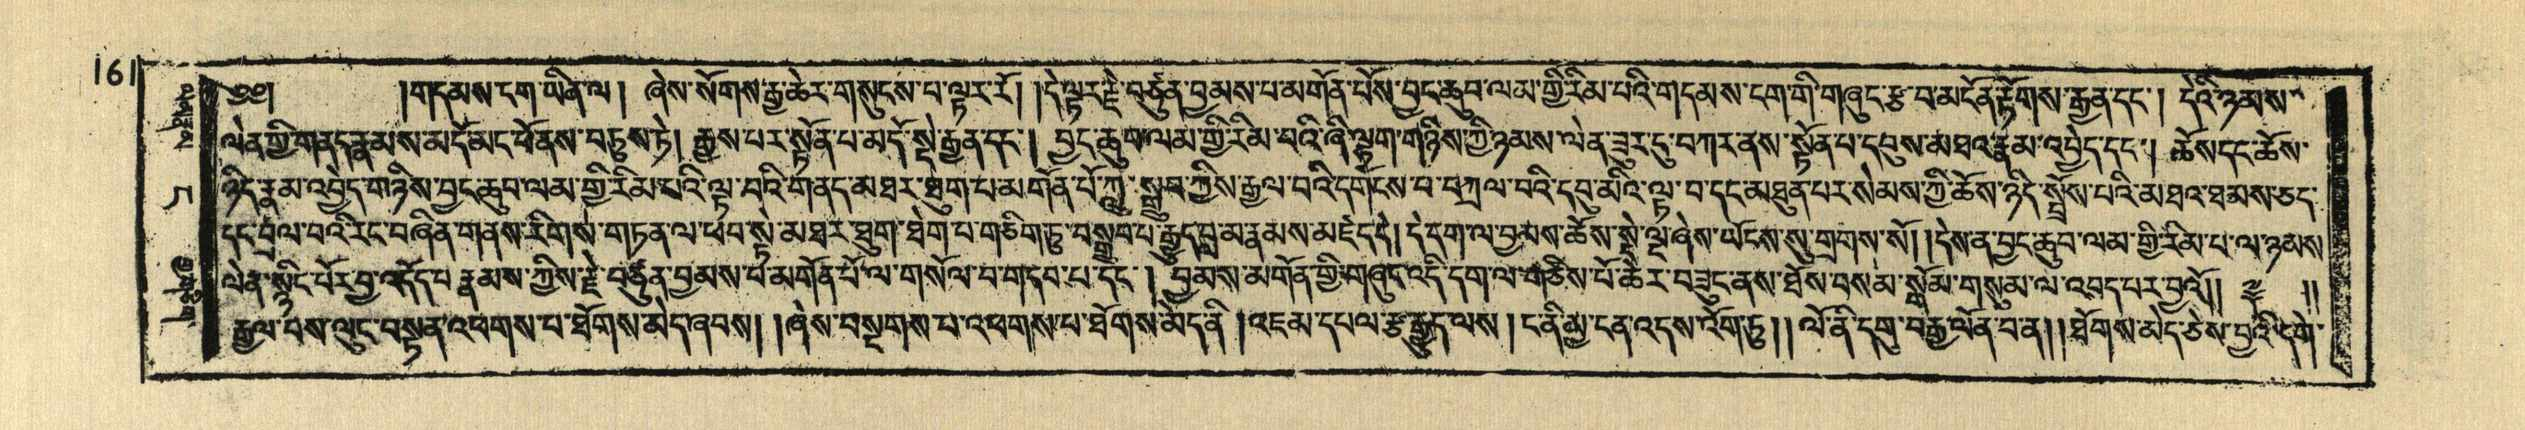༄༅། །གདམས་ངག་ཡིན་ལ། ཞེས་སོགས་རྒྱ་ཆེར་གསུངས་པ་ལྟར་རོ། །དེ་ལྟར་རྗེ་བཙུན་བྱམས་པ་མགོན་པོས་བྱང་ཆུབ་ལམ་གྱི་རིམ་པའི་གདམས་ངག་གི་གཞུང་རྩ་བ་མངོན་རྟོགས་རྒྱན་དང་། དེའི་ཉམས་
ལེན་གྱི་གནད་རྣམས་མདོ་མང་པོ་ནས་བཏུས་ཏེ། རྒྱས་པར་སྟོན་པ་མདོ་སྡེ་རྒྱན་དང་། བྱང་ཆུབ་ལམ་གྱི་རིམ་པའི་ཞི་ལྷག་གཉིས་ཀྱི་ཉམས་ལེན་ཟུར་དུ་བཀར་ནས་སྟོན་པ་དབུས་མཐའ་རྣམ་འབྱེད་དང་། ཆོས་དང་ཆོས་
ཉིད་རྣམ་འབྱེད་གཉིས་བྱང་ཆུབ་ལམ་གྱི་རིམ་པའི་ལྟ་བའི་གནད་མཐར་ཐུག་པ་མགོན་པོ་ཀླུ་སྒྲུབ་ཀྱིས་རྒྱལ་བའི་དགོངས་པ་བཀྲལ་བའི་དབུ་མའི་ལྟ་བ་དང་མཐུན་པར་སེམས་ཀྱི་ཆོས་ཉིད་སྤྲོས་པའི་མཐའ་ཐམས་ཅད་
དང་བྲལ་བའི་རང་བཞིན་གནས་རིགས་གཏན་ལ་ཕབ་སྟེ་མཐར་ཐུག་ཐེག་པ་གཅིག་ཏུ་བསྒྲུབ་པ་རྒྱུད་བླ་མ་རྣམས་མཛད་དེ། དེ་དག་ལ་བྱམས་ཆོས་སྡེ་ལྔ་ཞེས་ཡོངས་སུ་གྲགས་སོ། །དེས་ན་བྱང་ཆུབ་ལམ་གྱི་རིམ་པ་ལ་ཉམས་
ལེན་སྙིང་པོར་བྱ་འདོད་པ་རྣམས་ཀྱིས་རྗེ་བཙུན་བྱམས་པ་མགོན་པོ་ལ་གསོལ་བ་གདབ་པ་དང་། བྱམས་མགོན་གྱི་གཞུང་འདི་དག་ལ་གཅིས་པོ་ཆེར་བཟུང་ནས་ཐོས་བསམ་སྒོམ་གསུམ་ལ་འབད་པར་བྱའོ།། ༈ །།
རྒྱལ་བས་ལུང་བསྟན་འཕགས་པ་ཐོགས་མེད་ཞབས། །ཞེས་བསྔགས་པ་འཕགས་པ་ཐོགས་མེད་ནི་།འཇམ་དཔལ་རྩ་རྒྱུད་ལས། ང་ནི་མྱ་ངན་འདས་འོག་ཏུ། །ལོ་ནི་དགུ་བརྒྱ་ལོན་བ་ན། །ཐོགས་མེད་ཅེས་བྱའི་དགེ་